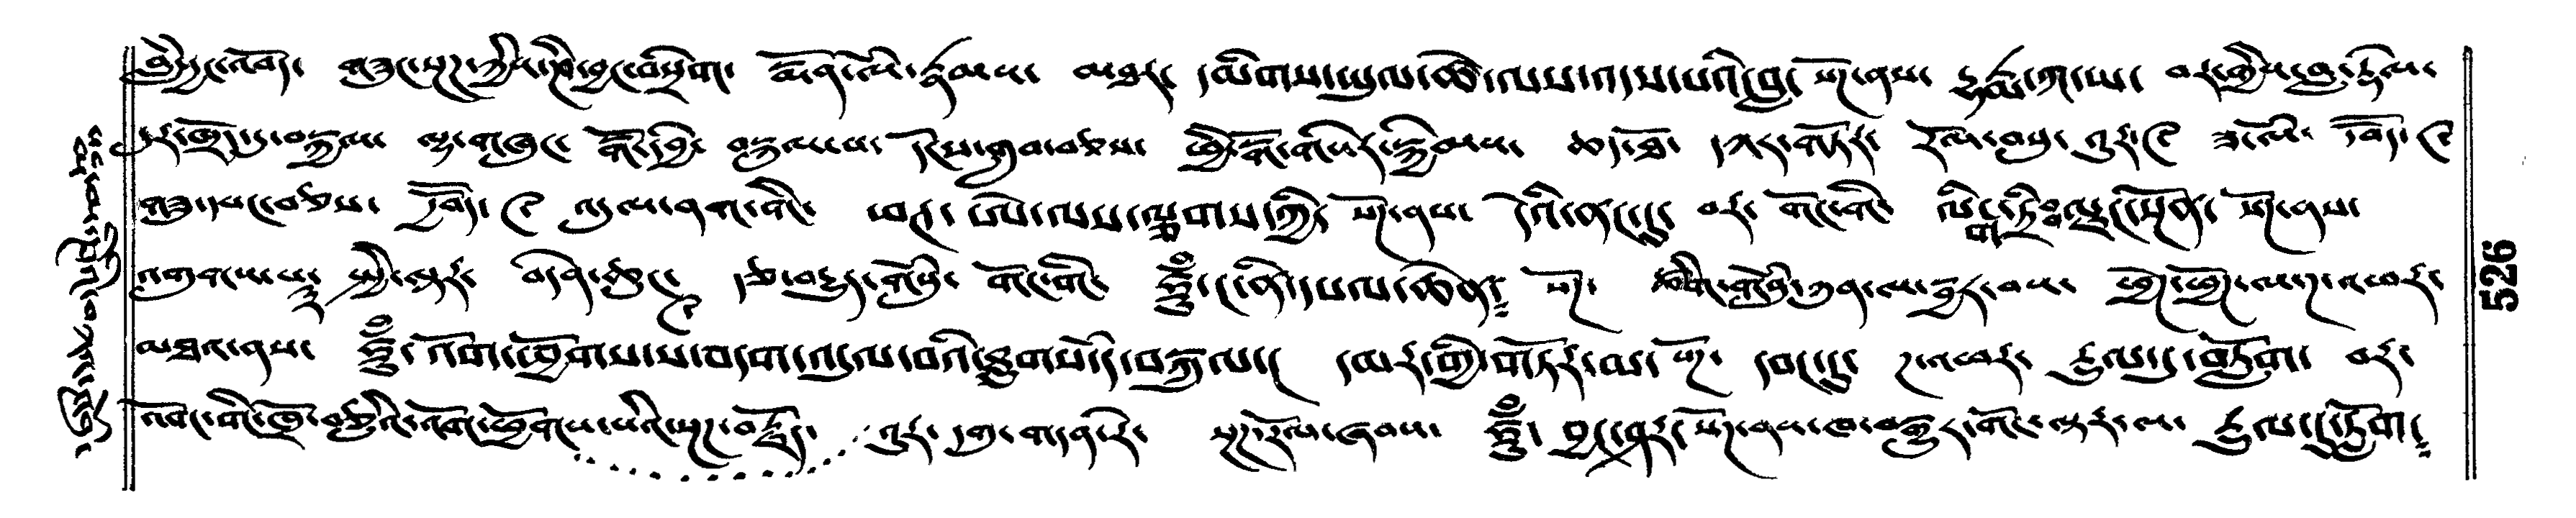བླ་མ་རྒྱང་འབོད། གཟུངས་སྔགས་ཀྱིས་ནྲི་བྱང་བསྲེག སྨོན་ལམ་རྣམས་མཐར། དམིགས་ཡུལ་ཚེ་ལས་འདས་པའི་བླ་སོགས་ནས། དྷརྨ་ཀ་ཡ༴ བར་གྱིས་བླ་རྡེལ་
དུད་ཁྲོད་དུ་བསྐྱལ། ལྷ་གཞུང་། སྒོ་དབྱེ། བསྐུལ་པ། དངོས་གྲུབ་བཅས། ཕྱི་སྒོ་གསེར་སྐྱེམས། ཆད་ཐོ། དཀར་གཏོར། རོལ་བསུ། འུར་དགུ། ཟ་ལམ། རྒྱོབ་སོད་དགུ། 
གཟུ་དཔང་བཅས། རྒྱོབ་སོད་དགུ། འདུལ་ནག་གི ཕཊཿ ཨེ་ལས་ལྕགས་ཀྱི༴ སོགས་ནས། དེའི་ནང་དུ༴ བར། གོང་གི ལིངྒ་ཏྲིཿལྗང་སྔོན༴ སོགས་ནས། 
འགུགས་པ་གསུམ། སྤྱི་ལྟར། བདེན་ཆུང་དགུ རྩ་བརྒྱུད་གསུམ། གོང་གི ཧཱུྃ།ང་ནི་དཔལ་ཆེན༴ སོགས། ཚིག་གསུམ་ཀུན་ལ་སྦྱར་བས། ཕྱོགས་ཕྱོགས༴ ལ་ཌཱ་འཕར། 
མཐའ་ནས། ཧཱུྃ། འོག་ཕྱོགས་ས་བདག་འདུལ་བའི་ཐུགས་དམ་བསྐུལ། །དམར་གྱི་གཏོར་མ༴ སོགས། དབང་དུ༴ ཌཱ་འཕར། རྡུལ་དུ་བརློག བར། 
འོག་གི་ཁྲོ་བཅུའི་འོག་ཕྱོགས་པའི་སྔགས་བརྗོད། འུར་དགུ་གཏན་རེ། ཧཱུྃ། བྱང་ཤར༴ སོགས་ནས་ཁ་བསྒྱུར་གོང་ལྟར་ལ། རྡུལ་དུ་རློག